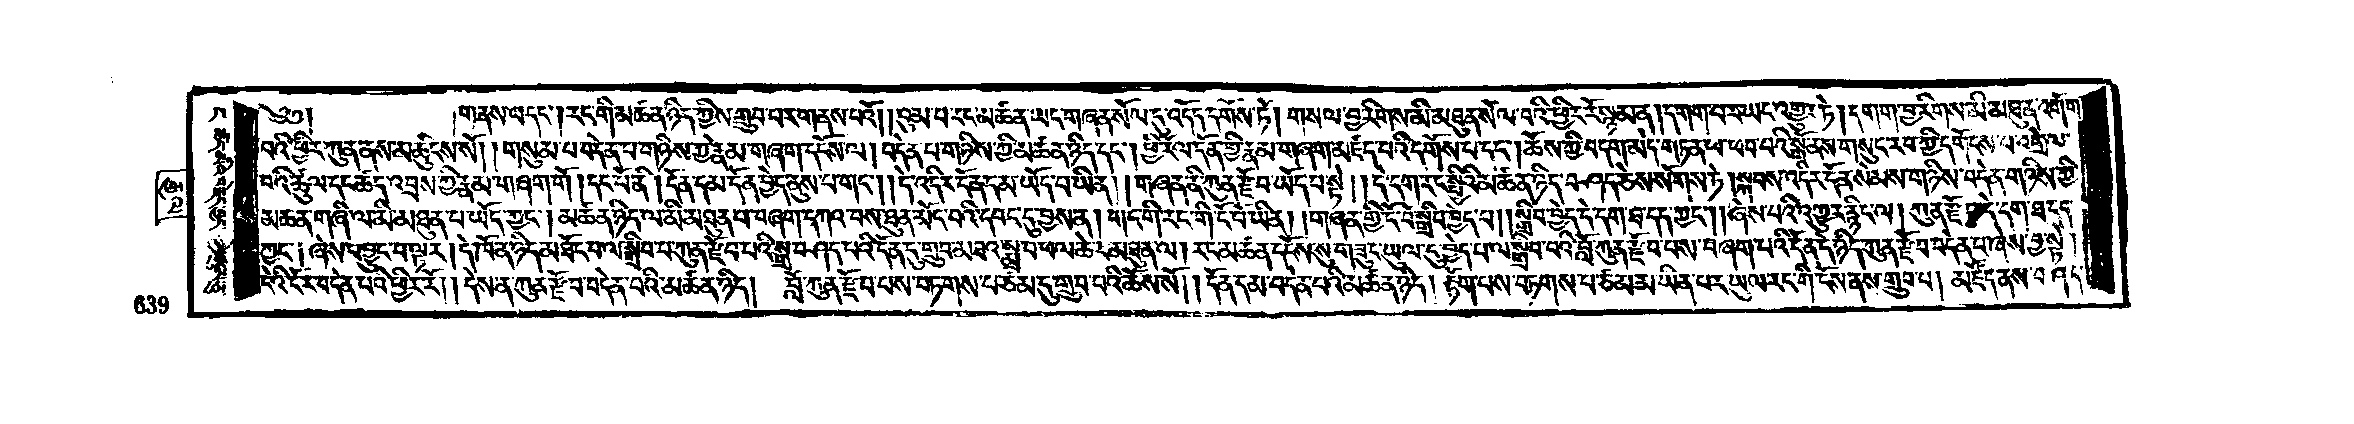༄༅། །གནས་བ་དང་། རང་གི་མཚན་ཉིད་ཀྱིས་གྲུབ་པར་གནས་པའོ། །བུམ་པ་རང་མཚན་ཡང་གཞན་སོལ་དུ་འདོད་དགོས་ཏེ། གསལ་བྱ་རིགས་མི་མཐུན་སོལ་བའི་ཕྱིར་རོ་སྙམ་དུ། དགག་པར་ཡང་འགྱུར་ཏེ། དགག་བྱ་རིགས་མི་མཐུན་འགོག་
པའི་ཕྱིར་ཀུན་ནས་མཚུངས་སོ། །གསུམ་པ་བདེན་པ་གཉིས་ཀྱི་རྣམ་གཞག་དངོས་ལ། བདེན་པ་གཉིས་ཀྱི་མཚན་ཉིད་དང་། ཕྱི་རོལ་དོན་གྱི་རྣམ་གཞག་མཛད་པའི་དགོས་པ་དང་། ཆོས་ཀྱི་བདག་མེད་གཏན་ཕ་ཕབ་པའི་སྒོ་ནས་གསུང་རབ་ཀྱི་དགོངས་པ་འགྲེལ་
བའི་ཚུལ་དང་ཚད་འབྲས་ཀྱི་རྣམ་གཞག་གོ །དང་པོ་ནི། དོན་དམ་དོན་བྱེད་ནུས་པ་གང་། །དེ་འདིར་དོན་དམ་ཡོད་པ་ཡིན། །གཞན་ནི་ཀུན་རྫོབ་ཡོད་པ་སྟེ། དེ་དག་རང་སྤྱིའི་མཚན་ཉིད་བཤད་ཅེས་སོགས་ཏེ། སྐབས་འདིར་དོན་སེམས་གཉིས་བདེན་གཉིས་ཀྱི་
མཚན་གཞི་ལ་མི་མཐུན་པ་ཡོད་ཀྱང་། མཚན་ཉིད་ལ་མི་མཐུན་པ་བཞག་དཀའ་བས་ཐུན་མོང་བའི་དབང་དུབ་ཡས་ན། གང་གི་རང་གི་ངོ་བོ་ཡིན། །གཞན་གྱི་ངོ་བོ་སྒྲིབ་བྱེད་པ། སྒྲིབ་བྱེད་དེ་དག་ཐ་དད་ཀྱང་། །ཞེས་པའི་འགྱུར་རྙིང་ལ། ཀུན་རྫོབ་དེ་དག་ཐ་དད་
ཀྱང་། ཞེས་འབྱུང་བ་ལྟར། དེ་ཁོ་ཉིད་མཐོང་བ་ལ་སྒྲིབ་པ་ཀུན་རྫོབ་པའི་སྒྲ་བཤད་པའི་དོན་དུ་གྲུབ་མཐའ་སྨྲ་བ་ཕལ་ཆེར་མཐུན་ལ། རང་མཚན་དངོས་སུ་གཟུང་ཡུལ་དུ་བྱེད་པ་ལ་སྒྲིབ་པའི་བློ་ཀུན་རྫོབ་པས་བཞག་པའི་དོན་དེ་ཉིད་ཀུན་རྫོབ་བདེན་པ་ཞེས་བྱ་སྟེ་
དེའི་ངོར་བདེན་པའི་ཕྱིར་རོ། །དེས་ན་ཀུན་རྫོབ་བདེན་པའི་མཚན་ཉིད། བློ་ཀུན་རྫོབ་པས་བཏགས་པ་ཙམ་དུ་གྲུབ་པའི་ཆོས་སོ། །དོན་དམ་བདེན་པའི་མཚན་ཉིད། རྟོགས་བཏགས་པ་ཙམ་མ་ཡིན་པར་ཡུལ་རང་རི་ངོས་ནས་གྲུབ་པ། མཛོད་ནས་བཤད་